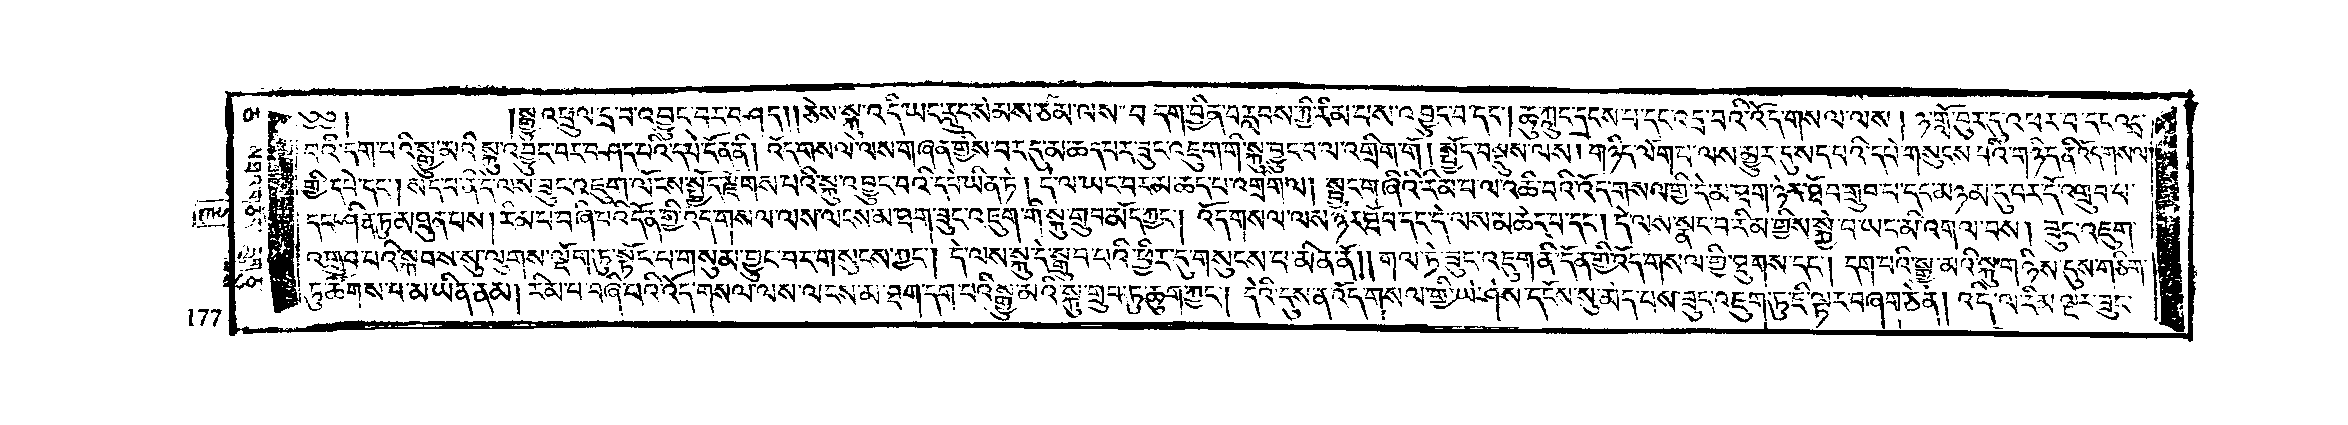༄༅། །སྒྱུ་འཕྲུལ་དྲ་བ་འབྱུང་བར་བཤད། །ཅེས་སྐུ་འདི་ཡང་རླུང་སེམས་ཙམ་ལས་བདག་བྱིན་བརླབས་ཀྱི་རིམ་པས་འབྱུང་བ་དང་། ཆུ་ཀླུང་དྲངས་པ་དང་འདྲ་བའི་འོད་གསལ་ལས། ཉ་གློ་བུར་དུ་འཕར་བ་དང་འདྲ་
བའི་དག་པའི་སྒྱུ་མའི་སྐུ་འབྱུང་བར་བཤད་པའི་དཔེ་དོན་ནི། འོད་གསལ་ལས་གཞན་གྱིས་བར་དུ་མ་ཆད་པར་ཟུང་འཇུག་གི་སྐུ་བྱུང་བ་ལ་འགྲིག་གོ །སྤྱོད་བསྡུས་ལས། གཉིད་ལོག་པ་ལས་མྱུར་དུ་སད་པའི་དཔེ་གསུངས་པའི་གཉིད་ནི་འོད་གསལ་
ཀྱི་དཔེ་དང་། སད་པ་ནི་དེ་ལས་ཟུང་འཇུག་ལོངས་སྤྱོད་རྫོགས་པའི་སྐུ་འབྱུང་བའི་དཔེ་ཡིན་ཏེ། དེ་ལ་ཡང་བར་མ་ཆད་པ་འགྲིག་ལ། སྦྱང་གཞིའི་རིམ་པ་ལ་འཆི་བའི་འོད་གསལ་གྱི་དེ་མ་ཐག་ཉེར་ཐོབ་གྲུབ་པ་དང་མཉམ་དུ་བར་དོ་འགྲུབ་པ་
དང་ཤིན་ཏུ་མཐུན་པས། རིམ་པ་བཞི་པའི་དན་གྱི་འོད་གསལ་ལས་ལངས་མ་ཐག་ཟུང་འཇུག་གི་སྐུ་གྲུབ་མོད་ཀྱང་། འོད་གསལ་ལས་ཉེར་ཐོབ་དང་དེ་ལས་མཆེད་པ་དང་། དེ་ལས་སྣང་བ་རིམ་གྱིས་སྐྱེ་བ་ཡང་མི་འགལ་བས། ཟུང་འཇུག་
འགྲུབ་པའི་སྐབས་སུ་ལུགས་ལྡོག་ཏུ་སྟོང་པ་གསུམ་བྱུང་བར་གསུངས་ཀྱང་། དེ་ལས་སྐུ་དེ་སྒྲུབ་པའི་ཕྱིར་དུ་གསུངས་པ་མིན་ནོ། །གལ་ཏེ་ཟུང་འཇུག་ནི་དོན་གྱི་འོད་གསལ་གྱི་ཐུགས་དང་། དག་པའི་སྒྱུ་མའི་སྐུ་གཉིས་དུས་གཅིག་
ཏུ་ཚོགས་པ་མ་ཡིན་ནམ། རིམ་པ་བཞི་པའི་འོད་གསལ་ལས་ལངས་མ་ཐག་དག་པའི་སྒྱུ་མའི་སྐུ་གྲུབ་ཏུ་ཆུག་ཀྱང་། དེའི་དུས་ན་འོད་གསལ་གྱི་ཡེ་ཤེས་དངོས་སུ་མེད་པས་ཟུང་འཇུག་ཏུ་ཇི་ལྟར་བཞག་ཅེ་ན། འདི་ལ་རིམ་ལྔར་ཟུང་